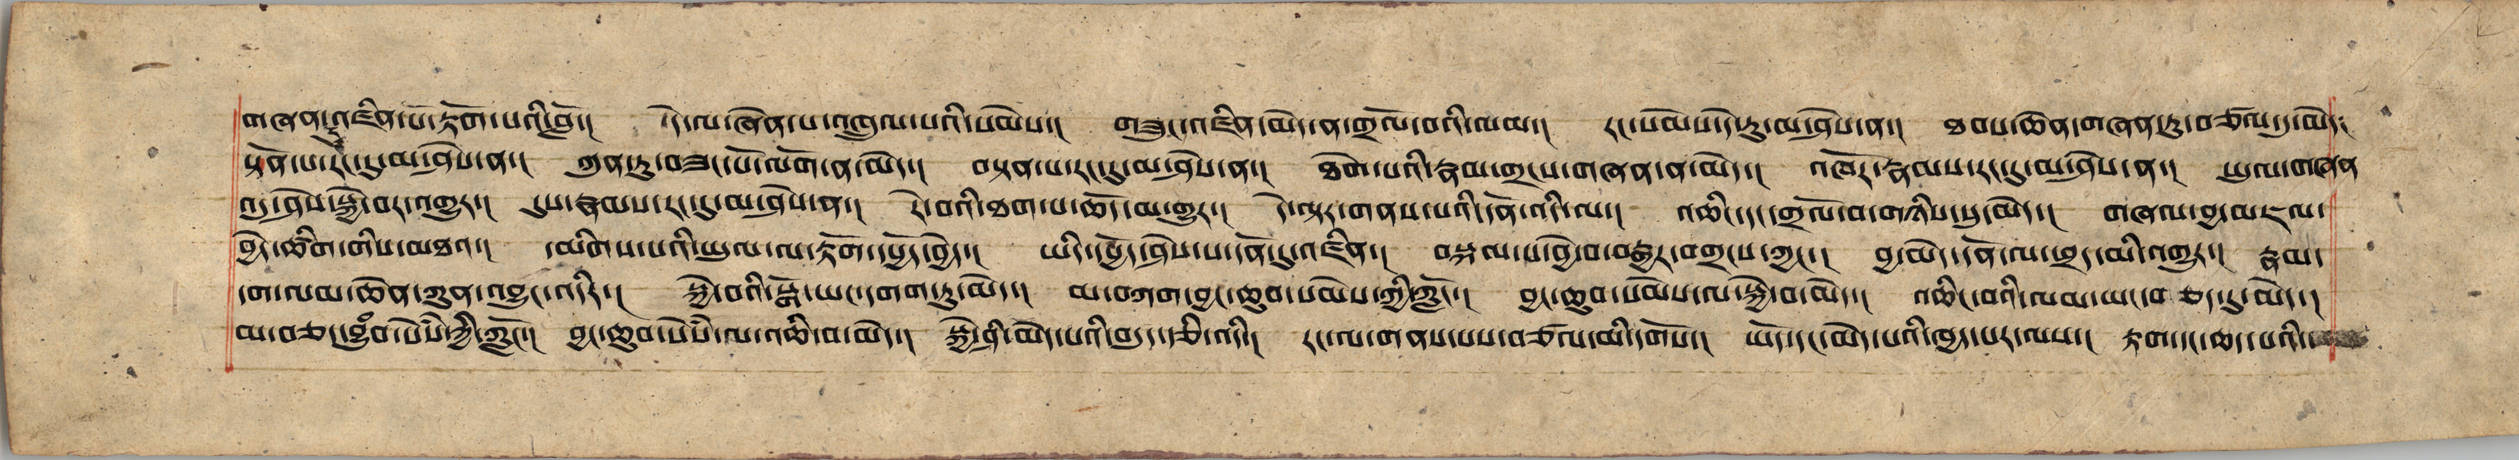གཞན་དུ་འཛིན་པ་རྟོག་པའི་བློ་། དེ་ལ་ཞེན་པ་འཁྲུལ་པའི་སེམས་། གཟུང་འཛིན་མེད་ན་གྲོ་བའི་ལམ་། རང་སེམས་དེ་རུ་མ་ཤེས་ན་། ཐབས་ཆེན་གཞན་ཏུ་བཙལ་དུ་མེད་།
སྟོན་པ་རེང་དུ་མ་ཤེས་ན་། ཀུན་ཏུ་བཟང་པོ་ལོག་ན་མེད་། བསྟན་པ་རང་དུ་མ་ཤེས་ན་། ཐེག་པའི་རྣམ་གྲངས་གཞན་ན་མེད་། འཁོར་རྣམས་རང་དུ་མ་ཤེས་ན་། ཡུལ་གཞན་
འདུ་ཤེས་སྐྱེ་བར་འགྱུར་། དུས་རྣམས་རང་དུ་མ་ཤེས་ན་། རེ་བའི་ཐག་པ་ཆོད་མ་གྱུར་། དེ་ལྟར་གནས་པའི་དོན་འདི་ལ་། འཆིང་དང་གྲོལ་བ་གཉིས་སུ་མེད་། གཞལ་བྱ་མཇལ་
བྱེད་ཚིག་གིས་མཐའ་། དམིགས་པའི་ཡུལ་ལ་རྟོག་དཔྱོད་བྱེད་། ཡིད་དཔྱོད་ཤེས་པ་དོན་དུ་འཛིན་། བསྐལ་པ་བྱེ་བ་བརྒྱར་བགྲངས་ཀྱང་། བྱ་མེད་དོན་ལ་ཕྲད་མི་འགྱུར་། རྣམ་
དག་ལམ་ཆེན་ཀུན་འབྱུང་འདིར་། སྐྱེ་བའི་སྒོ་ཡང་དགག་ཏུ་མེད་། མ་བཀག་བྱང་ཆུབ་སེམས་ཀྱི་ཀློང་། བྱང་ཆུབ་སེམས་ལ་སྐྱེ་བ་མེད་། འཆིང་བའི་ལམ་ཡང་བཅད་དུ་མེད་།
མ་བཅད་བྱུྃབ་སེཾས་ཀྱི་ཀློང་། བྱང་ཆུབ་སེཾས་ལ་འཆི་བ་མེད་། སྐྱེ་ཤི་མེད་པའི་བདུད་རྩི་འདི་། རང་ལ་གནས་པས་བཙལ་མི་དགོས་། ཡོད་དང་མེད་པའི་ཁྱད་པར་ལས་། རྟག་དང་ཆད་པའི་ཞེས་